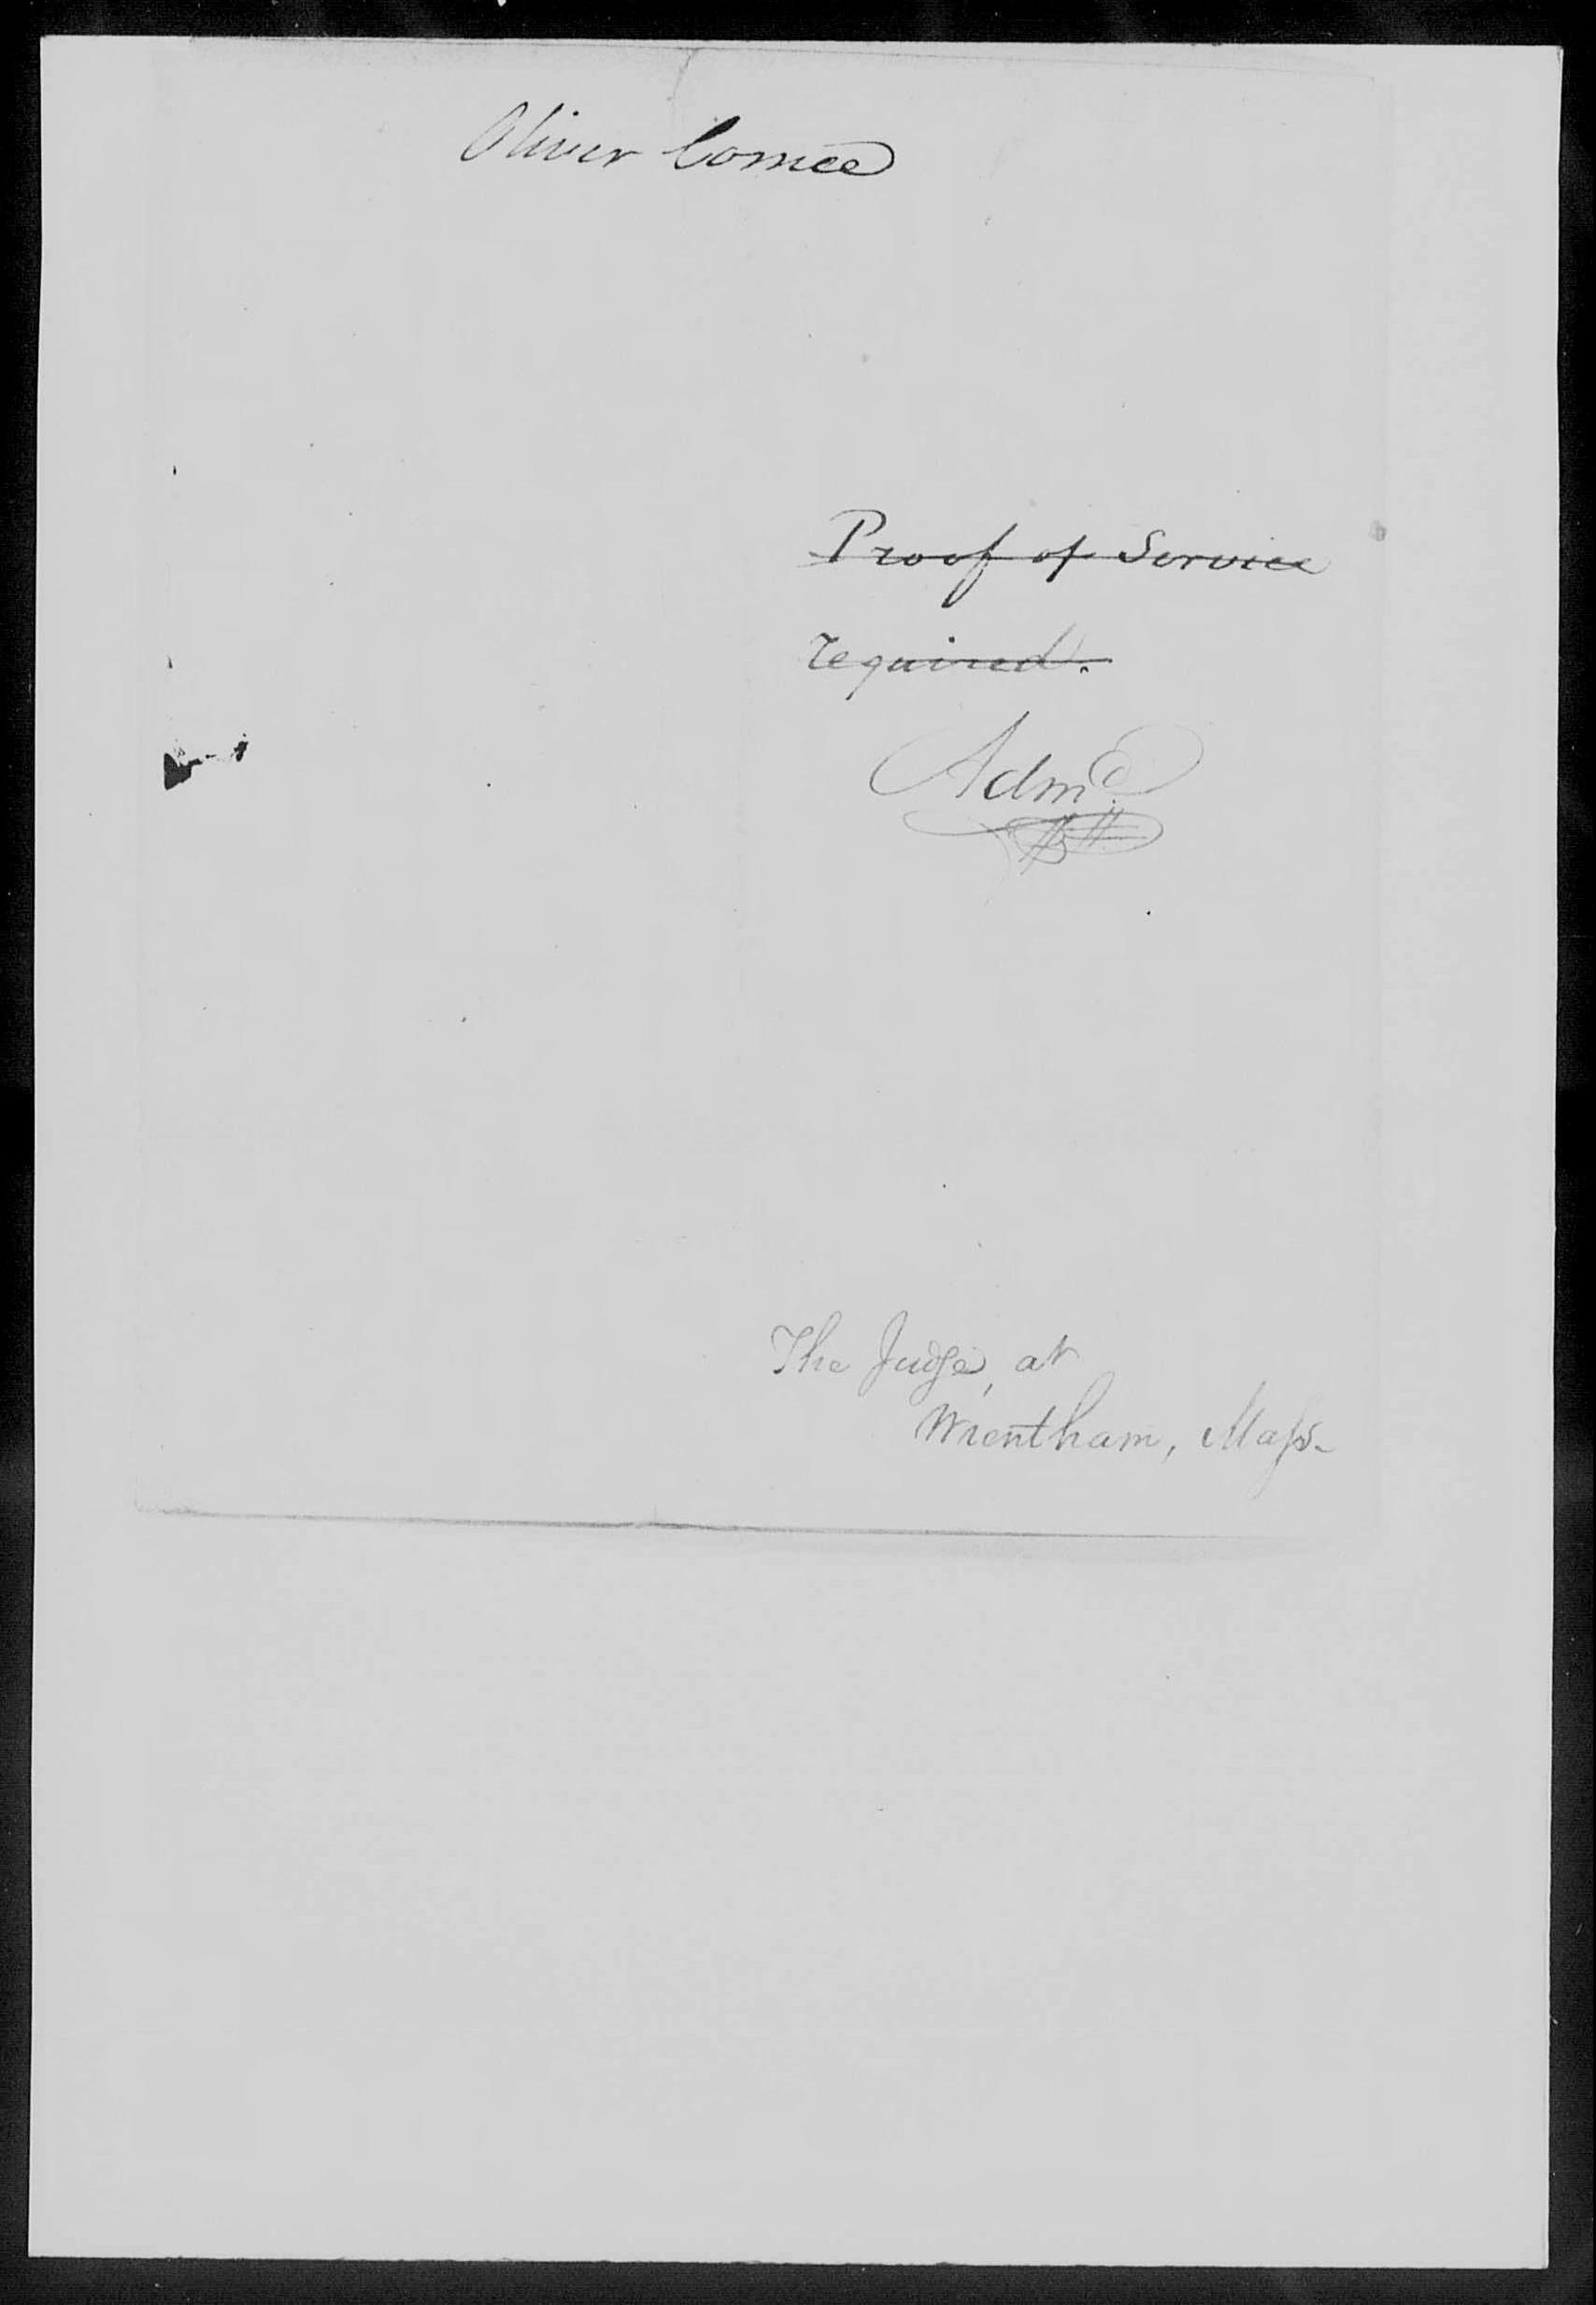Oliver Comee

Proof of Service required. (Crossed out)
Adm ##

The Judge at Wrentham, Mass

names: Oliver Comee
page: 28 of 45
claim: widow's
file: W. 14,567, Oliver Comee, Mass.